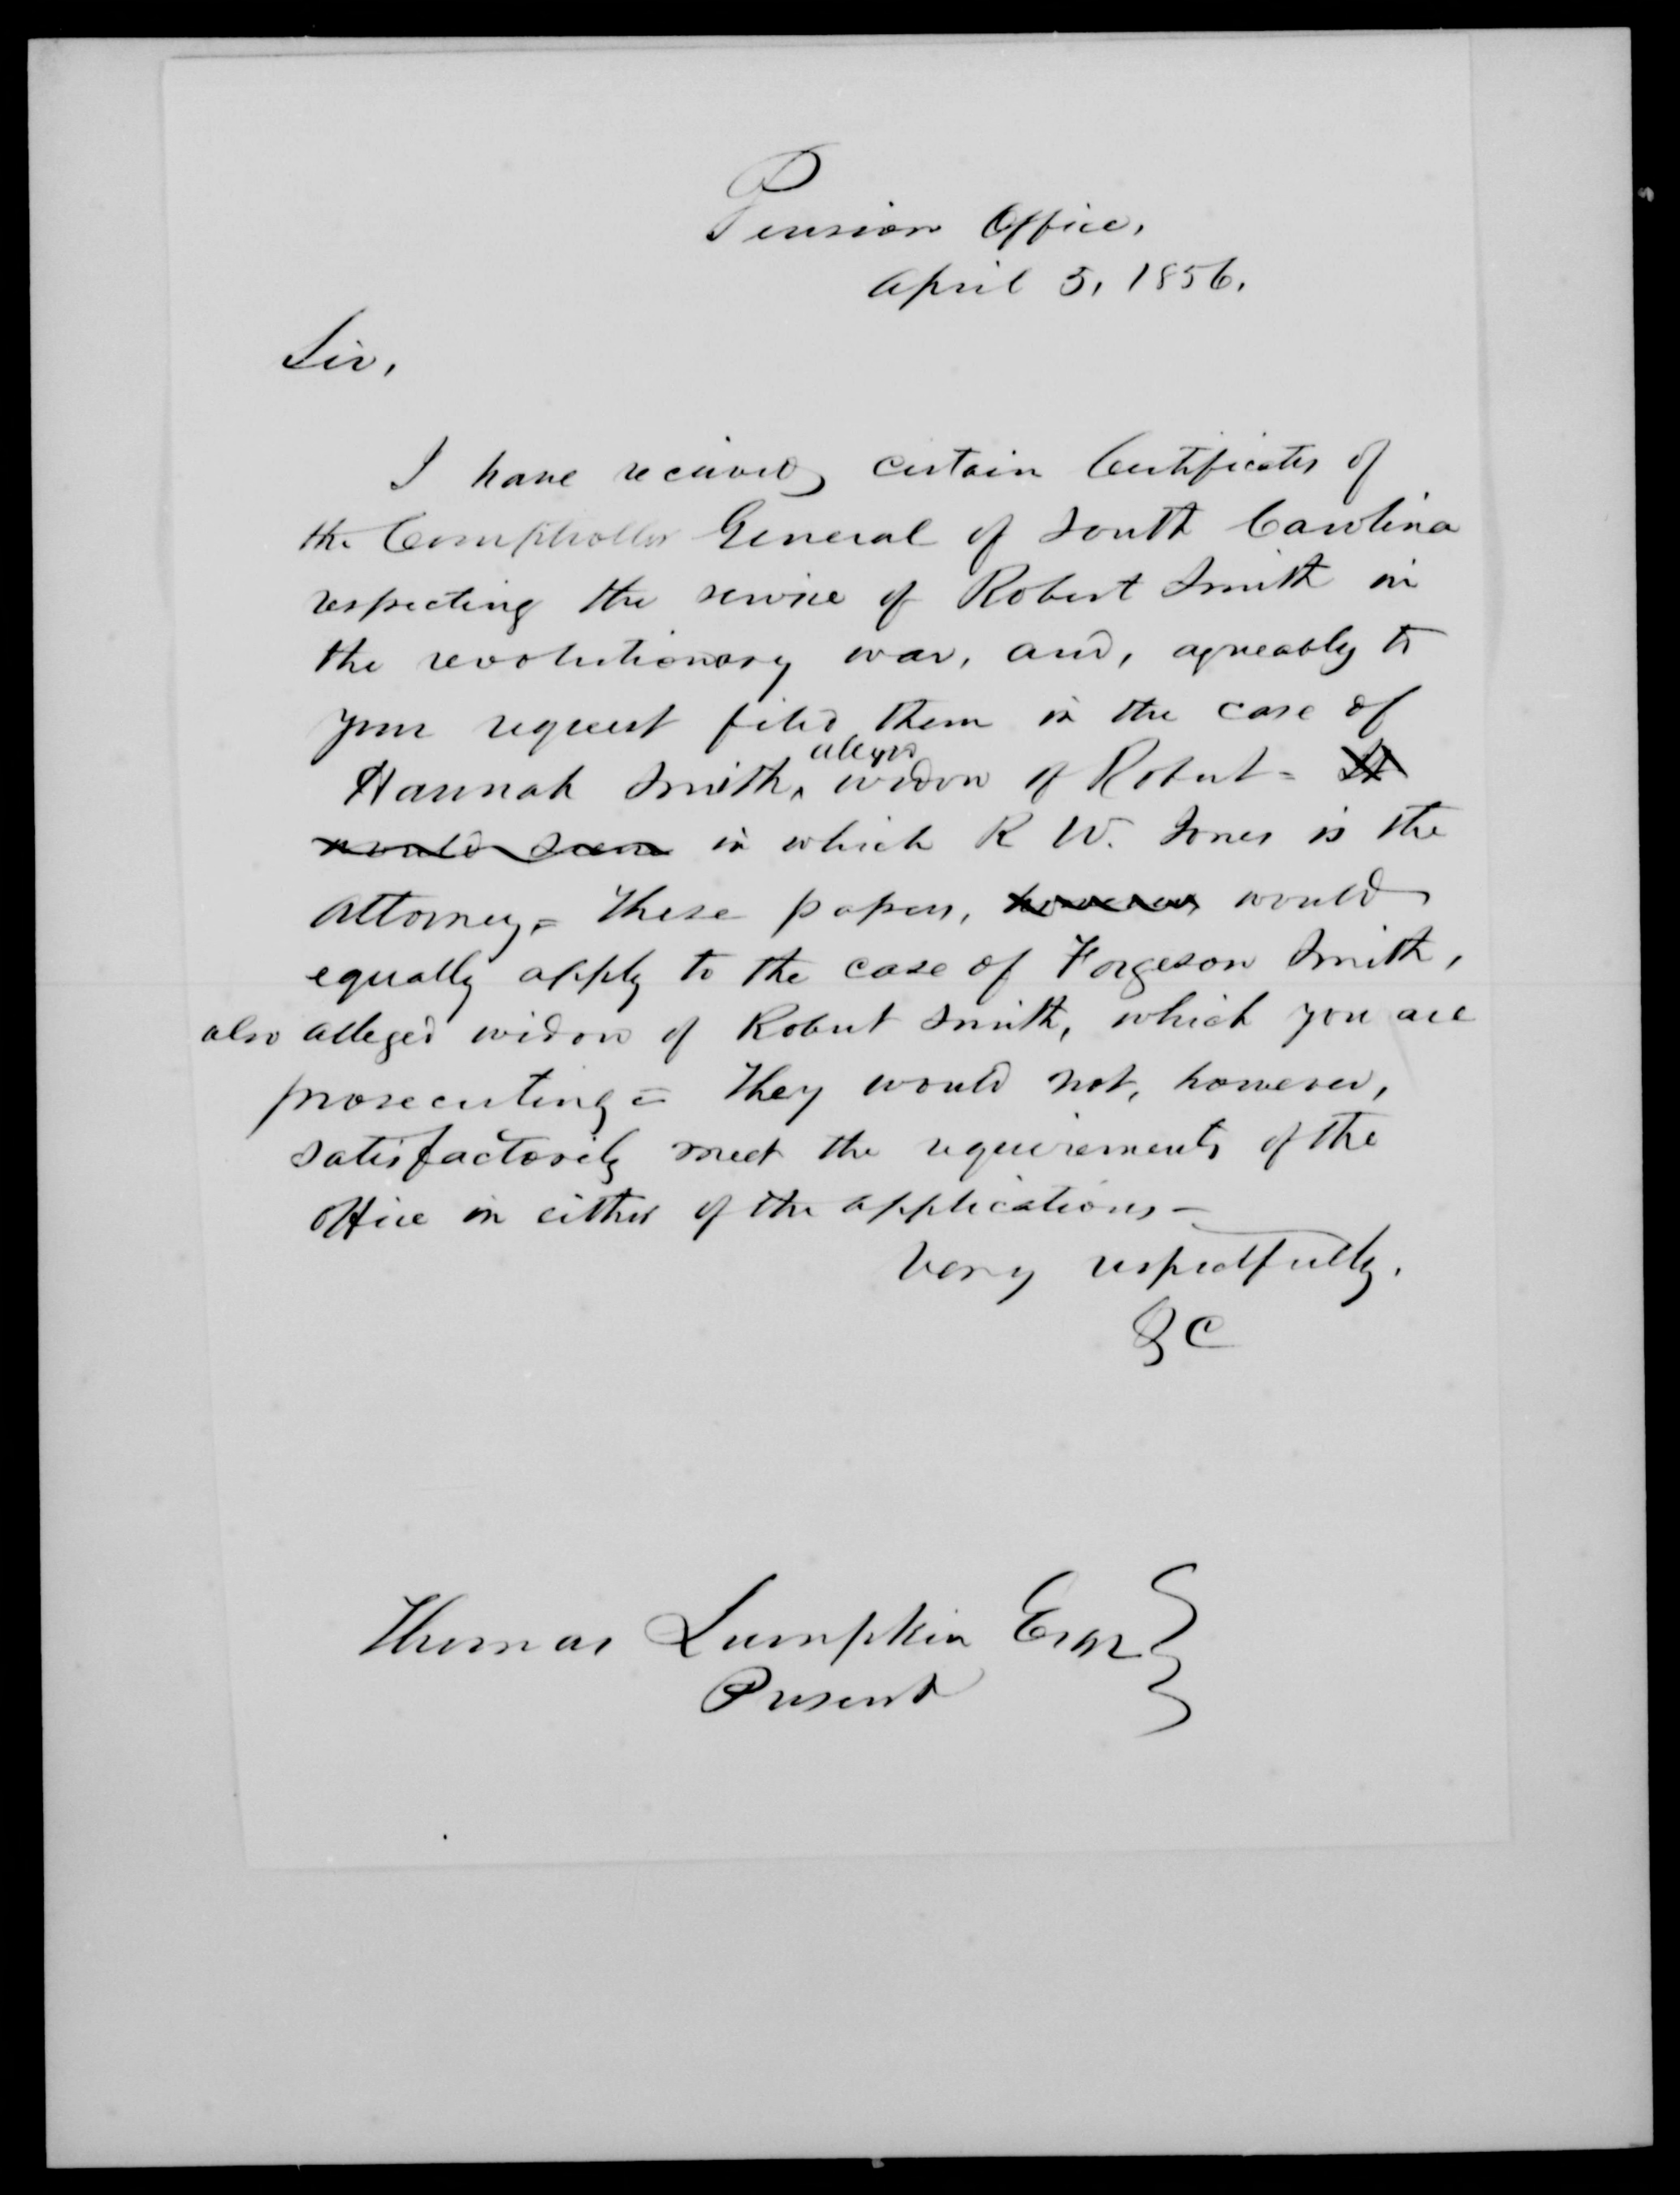Pension Office,
April 5, 1856

Sir:

I have received certain certificates of the Comptroller General of South Carolina
respecting the service of Robert Smith in the revolutionary war, and, agreably to
your request filed them in the case of Hannah Smith, alleged widow of Robert in which R W Jones is the Attorney. These papers,  would equally apply to the case of Forgeson Smith, also alleged widow of Robert Smith, which you are prosecuting. They would not, however,ssatisfactorily meet the requirements of the office in either of the applications.

Very respectfully,



Thomas Lumpkin Esq
Present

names: Robert Smith; Robert Smith; Forgeson Smith; Hannah Smith; R W Jones; Thomas Lumpkin; Robert Smith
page: 7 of 28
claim: rejected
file: R. 9744, for Robert Smith, South Carolina